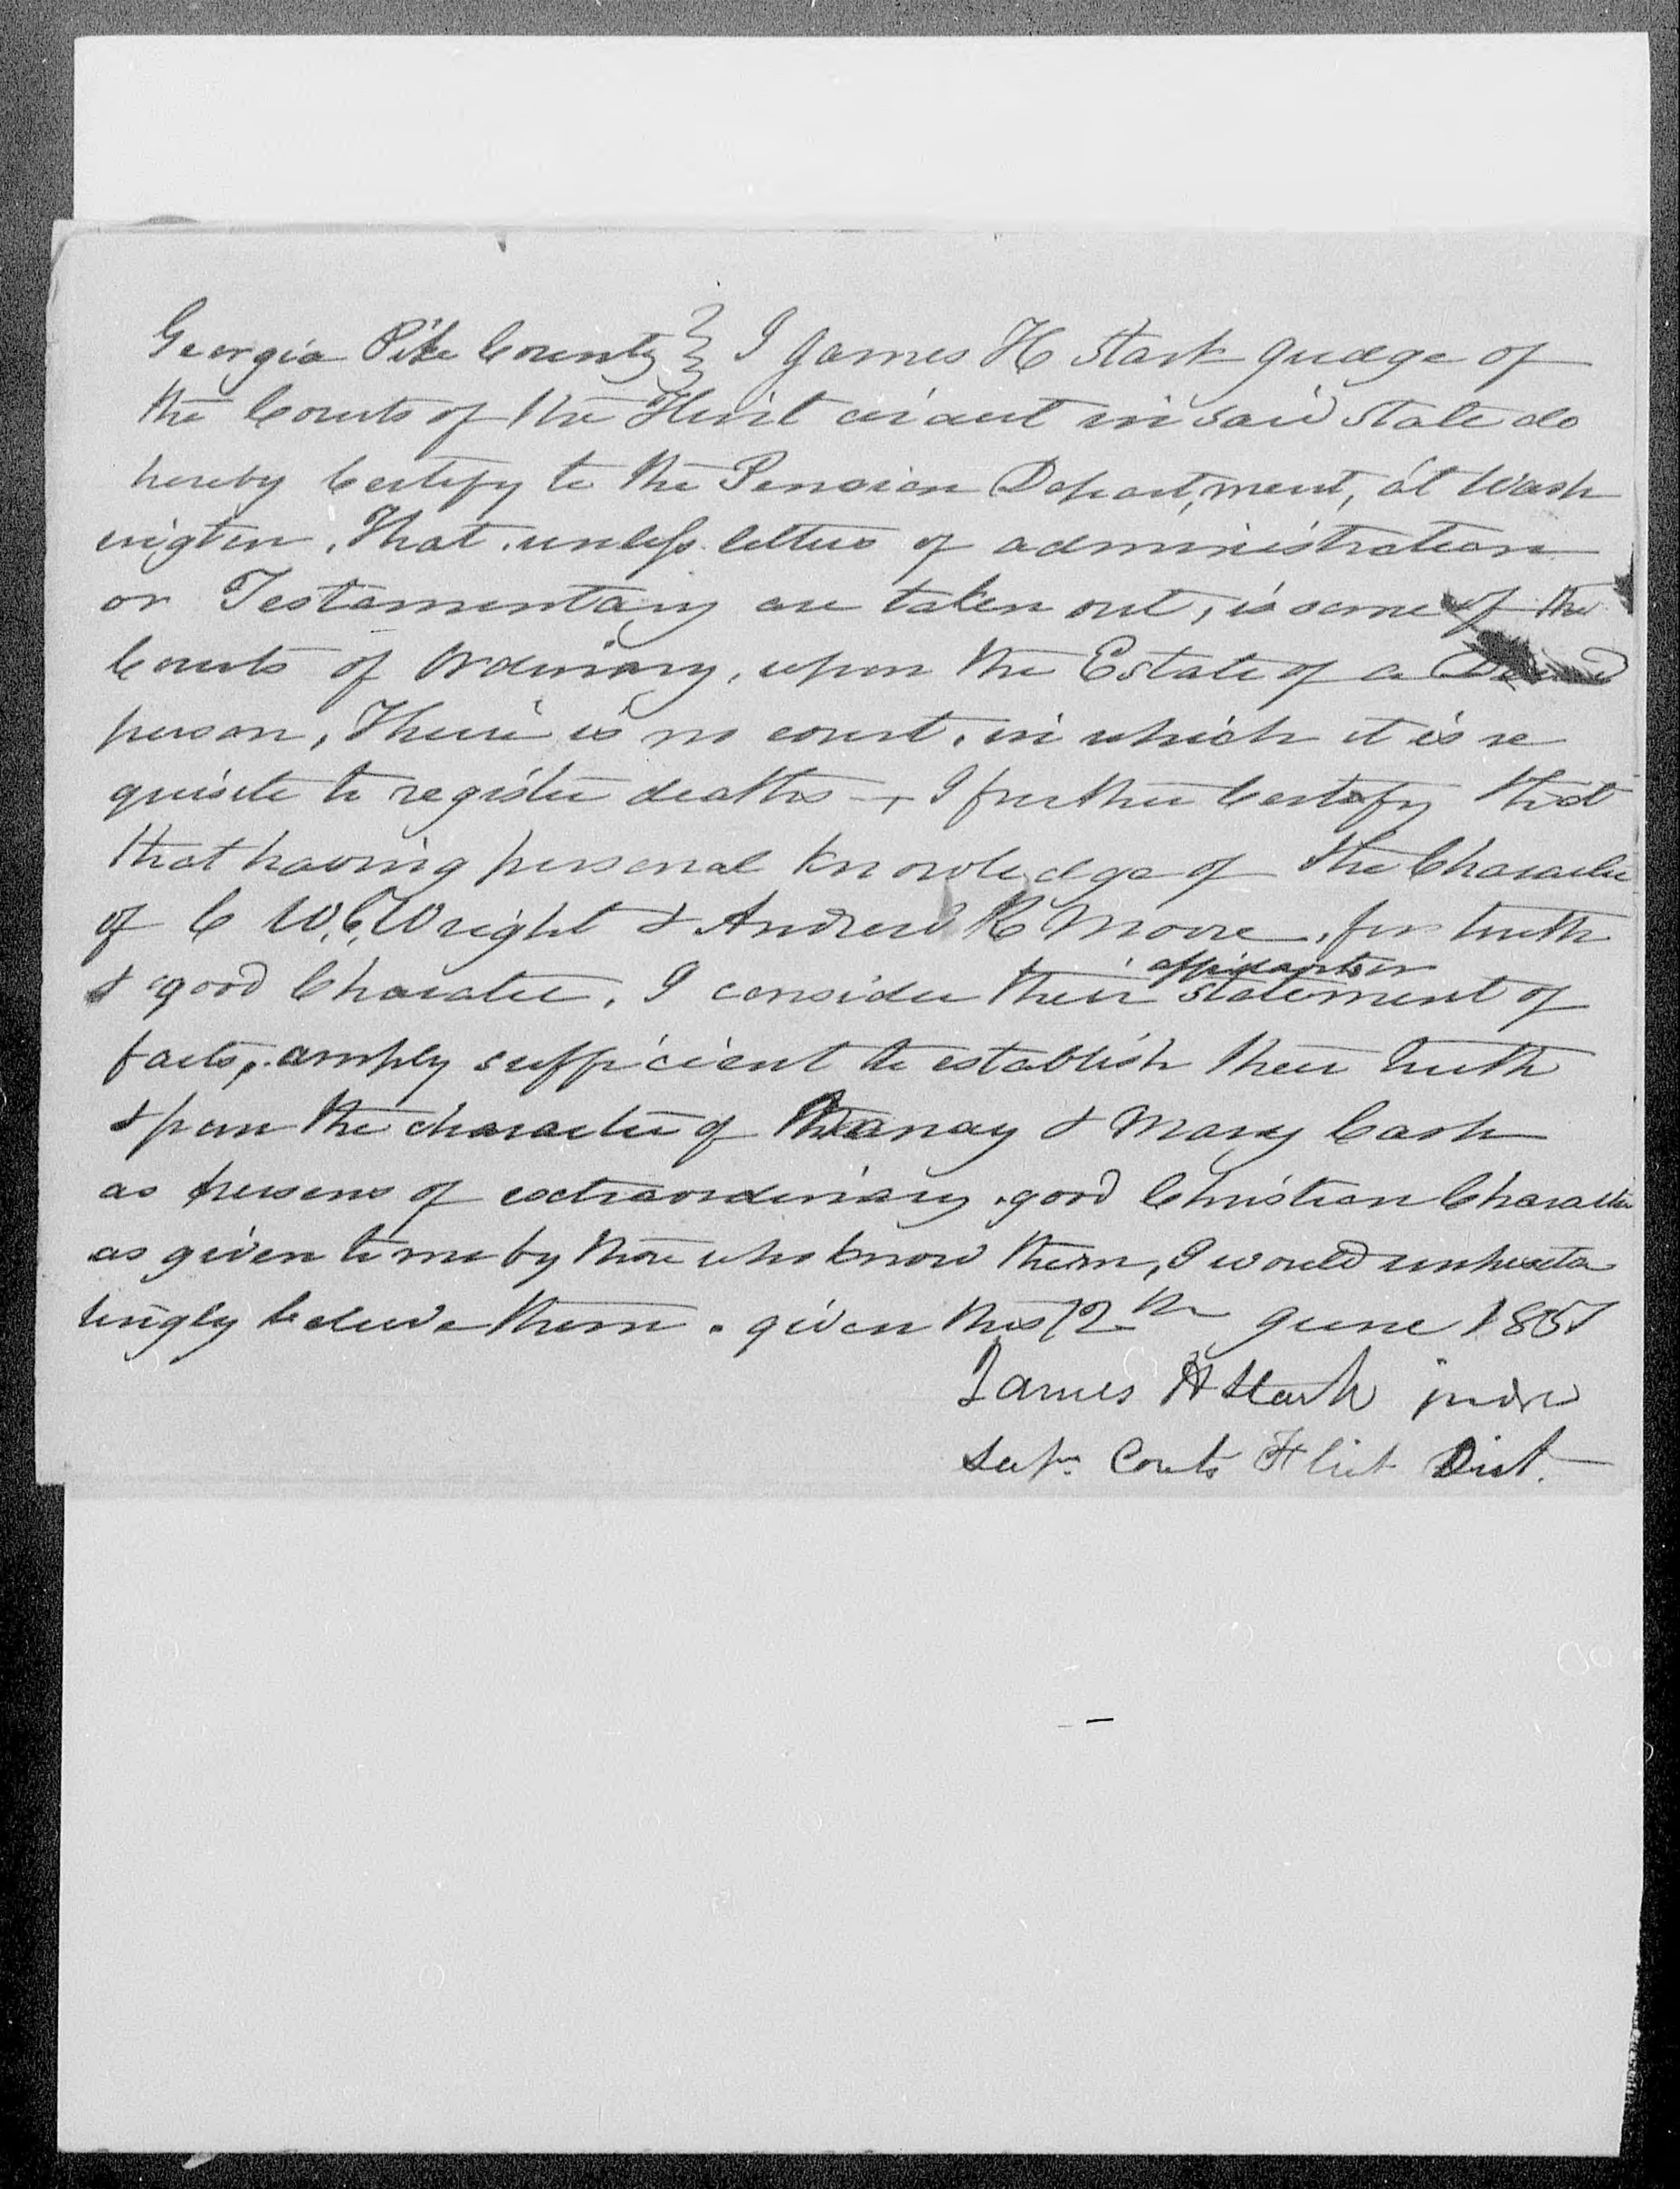Georgia Pike County ⎬ I James H Stark Judge of the Courts of the Flint circuit of said State do hereby certify to the Pension Department, at Washington, that unless letters of administration or Testamentary are taken out, is some of the Court of Ordinary, upon the Estate of a person, There is no court, in which it is requisite to register deaths - I further certify that that having personal  knowledge of the Character of C. W. C. Wright & Andrew R Moore, for truth
& good Character, I consider their statement of facts amply sufficient to establish their truth from the character of Nancy & Mary Cash as persons of extraordinary good Christian Character
as given to me by those who know them, I would unhesitatingly believe them. Given this 12th June 1887
James A Stark JP 
Superior Courts Flint Dist.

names: Nanay Cash, James H Stark, Andrew R Moore, James H Stark, Mary Cash, C W C Wright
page: 19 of 73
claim: widow's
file: W. 5,894, John Cash, Va.